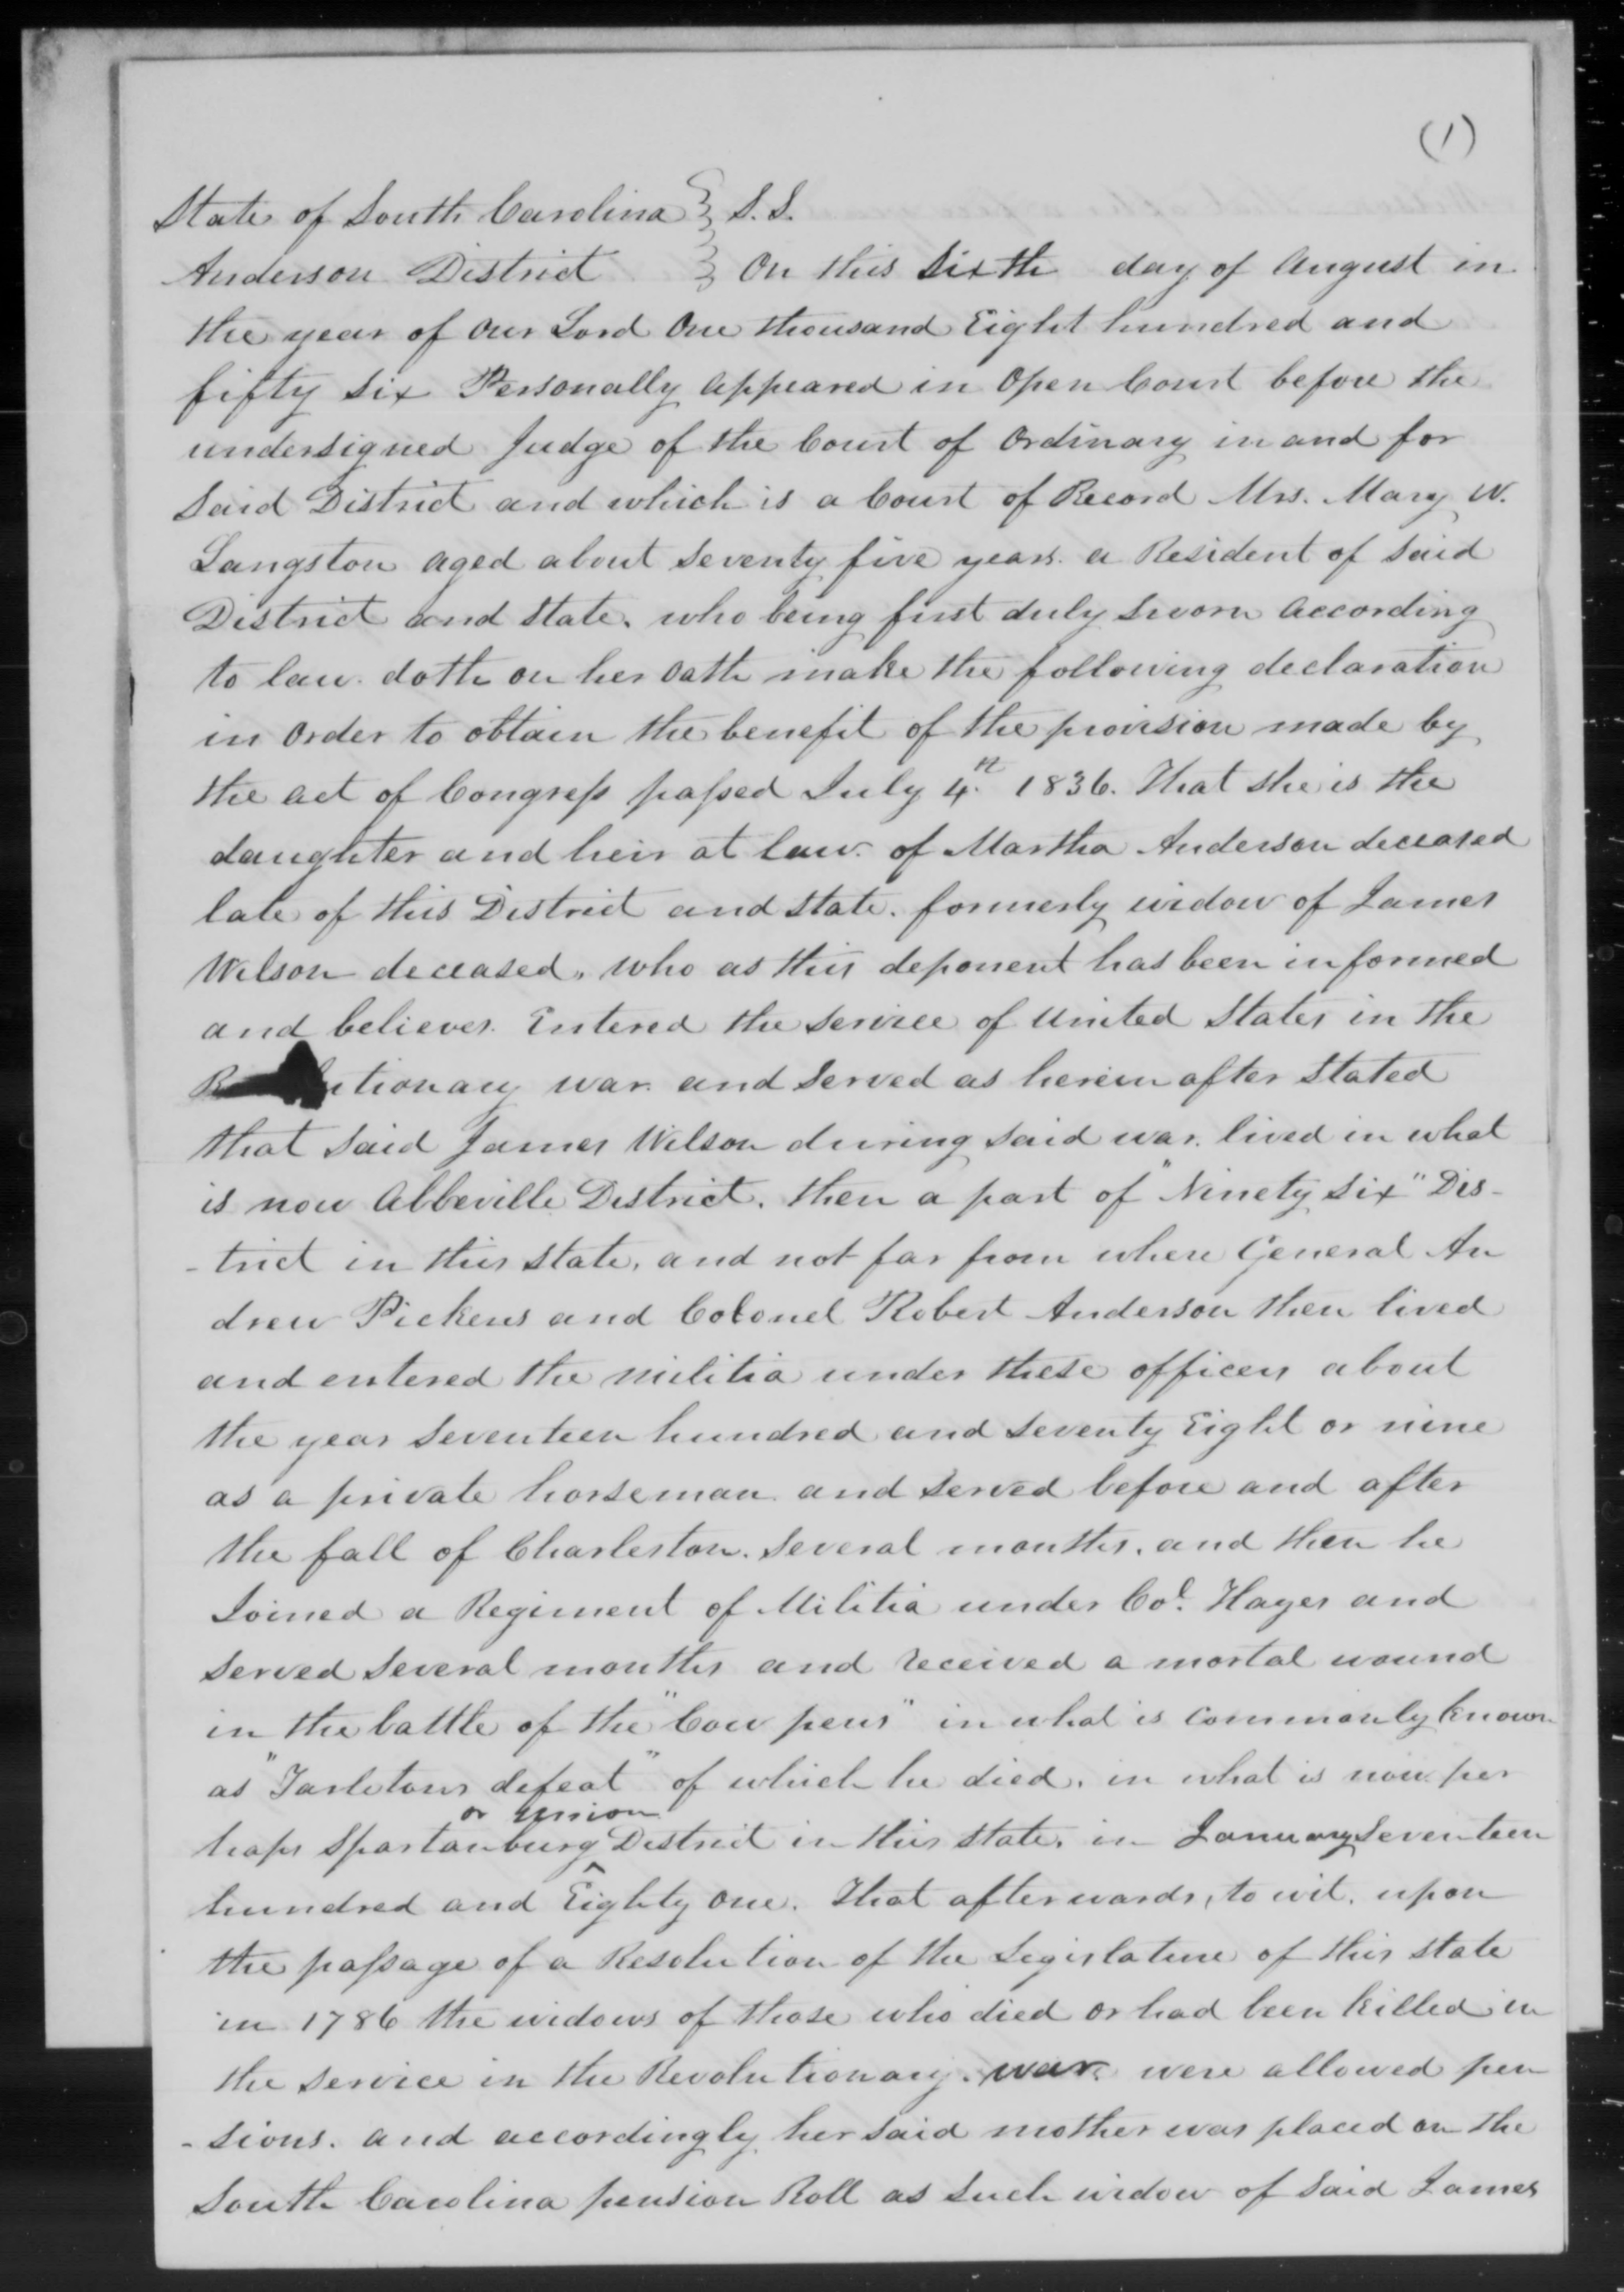(1)

State of South Carolina
Anderson District

On this Sixth day of August in 
the year of our Lord one thousand Eight hundred and 
fifty six Personally appeared in Open Court before the 
undersigned Judge of the Court of Ordinary in and for 
said District and which is a Court of Record Mrs. Mary W.
Langston aged about seventy five years a Resident of said
District and State who being first duly sworn according 
to law doth on her oath make the following declaration 
in order to obtain the benefit of the provision made by
the act of Congress passed July 4th 1836.  That she is the 
daughter and heir at law of Martha Anderson deceased 
late of this District and State, formerly widow of James 
Wilson deceased, who as this deponent has been informed
and believes entered the service of United States in the 
Revolutionary war and served as herein after stated
that said James Wilson during said war lived in what 
is now Abbeville District, then a part of "Ninety Six" District
in this State, and not far from where General 
Andrew Pickens and Colonel Robert Anderson then lived
and entered the militia under these officers about 
the year Seventeen hundred and Seventy Eight or nine 
as a private horseman and served before and after
the fall of Charleston several months, and then he 
joined a Regiment of Militia under Col. Hayes and 
served several months and received a mortal wound
in the battle of the "Cow pens" in what is commonly known 
as "Tarletons defeat" of which he died, in what is now perhaps
Spartanburg or Union District in this State in January Seventeen
hundred and Eighty one.  That afterwards, to wit, upon 
the passage of a Resolution of the Legislature of this state
in 1786 the widows of those who died or had been killed in 
the service in the Revolutionary War were allowed pensions
and accordingly her said mother was placed on the 
South Carolina pension Roll as such widow of said James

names: Andrew Pickens, Martha Anderson, James Wilson, Mary W Langston, Hayes, Robert Anderson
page: 3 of 18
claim: rejected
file: R. 195, James Wilson, S. C.